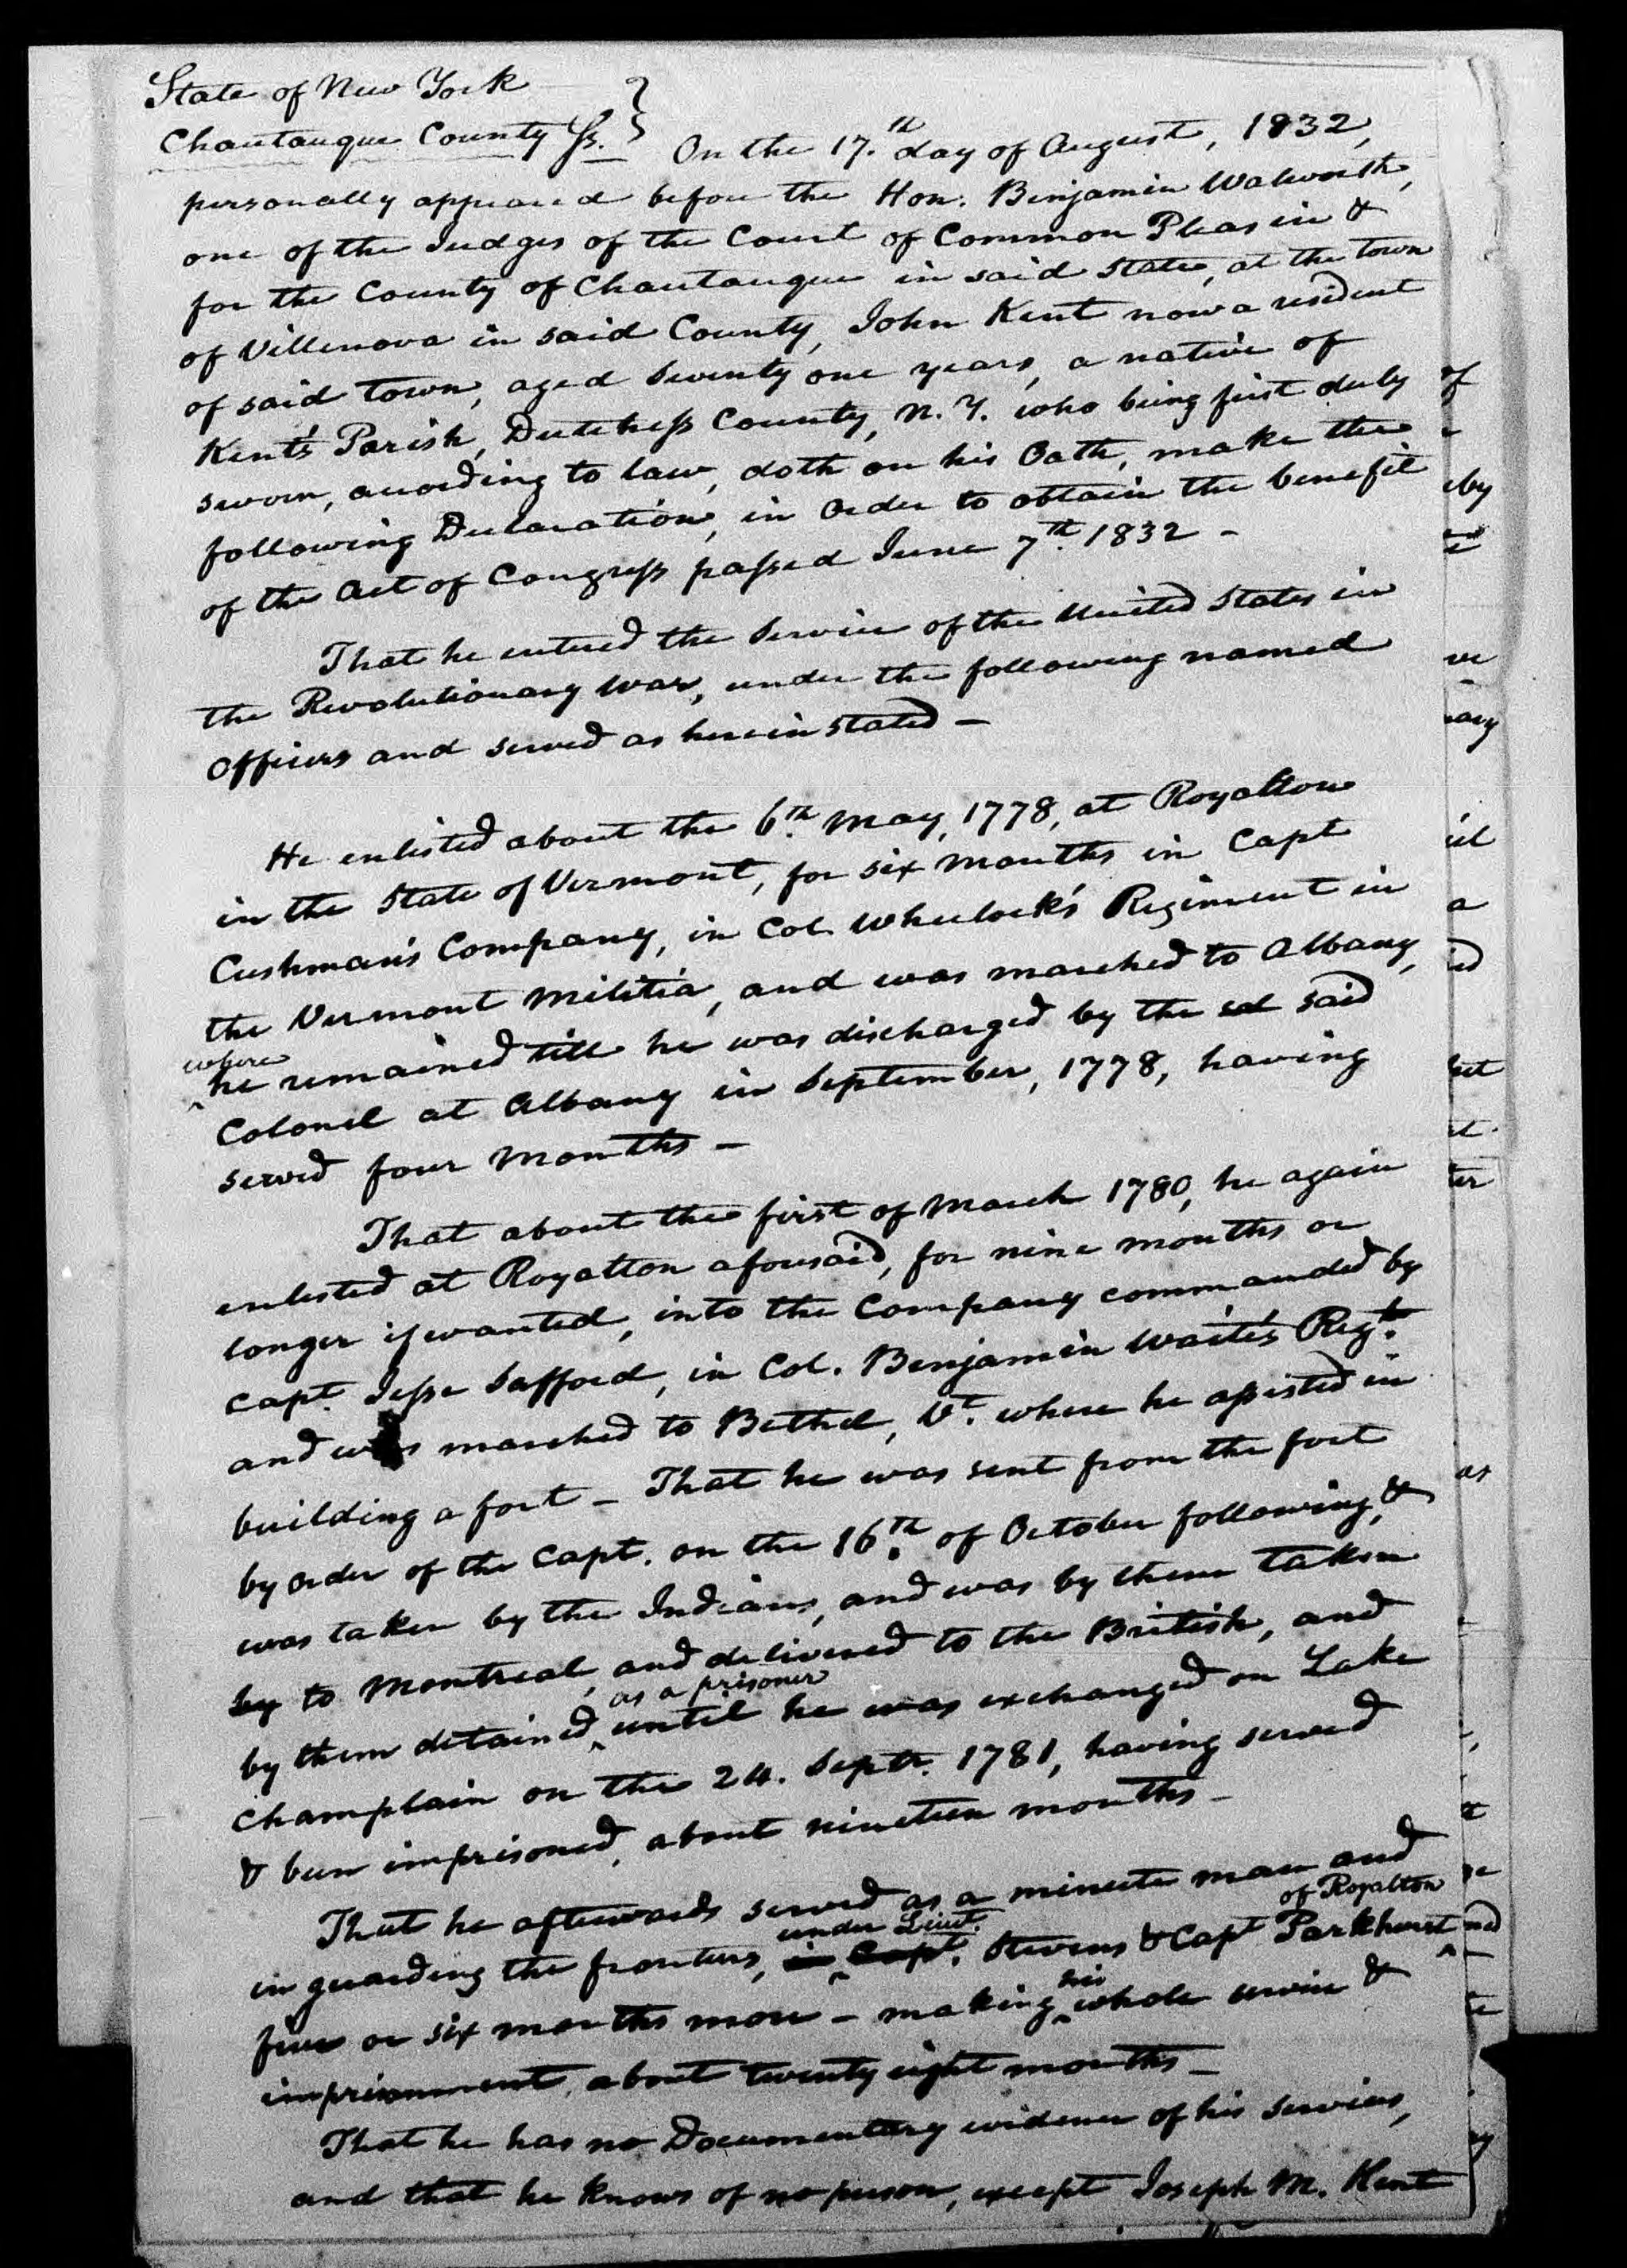Sate of New York}
Chautauqua County ss }

On the 17th day of August, 1832, personally appeared before the Hon. Benjamin Walworth, one of the Judges of the Court of Common Pleas in & for the County of Chautauqua in said state, at the town of Villenova in said County, John Kent now a resident of said town, aged seventy one years, a native of Kent's Parish, Duchess County, N. Y. who being first duly sworn, according to law, doth on this Oath, make this following Declaration, in order to obtain the benefit of this Act of Congress passed June 7th 1832.

That he entered the service of the United States in the Revolutionary War, under the following named officers and served as herein stated -

He enlisted about the 6th May, 1778, at Royalton in the State of Vermont, for six months in Capt Cushman's Company, in Col Wheelock's Regiment in the Vermont Militia, and was marched to Albany, where he remained till he was discharged by the said Colonel at Albany in September, 1778, having served four months -

That about the first of March 1780, he again enlisted at Royalton aforesaid, for nine months or longer if wanted, into the Company commanded by Capt Jesse Safford, in Col. Benjamin Waite's Regt and was marched to Bethel, Vt. where he assisted in building a fort - That he was sent from the fort by order of the Capt. on the 16th of October following, & was taken by the Indians, and was by them taken by to Montreal, and delivered to the British, and by them detained as a prisoner  until he was exchanged on Lake Champlain on this 24. Septr. 1781, having served & been imprisoned about nineteen months -

That he afterwards served as a minute man and in guarding the frontiers, under Lieut. Stevens & Capt Parkhurst of Royalton five or six months more - making his whole service & imprisonment about twenty eight months -

That he has no Documentary evidence of his services, and that he knows of no person, except Joseph M. Kent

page: 14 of 50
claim: widow's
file: W. 4253, for John Kent, Vermont